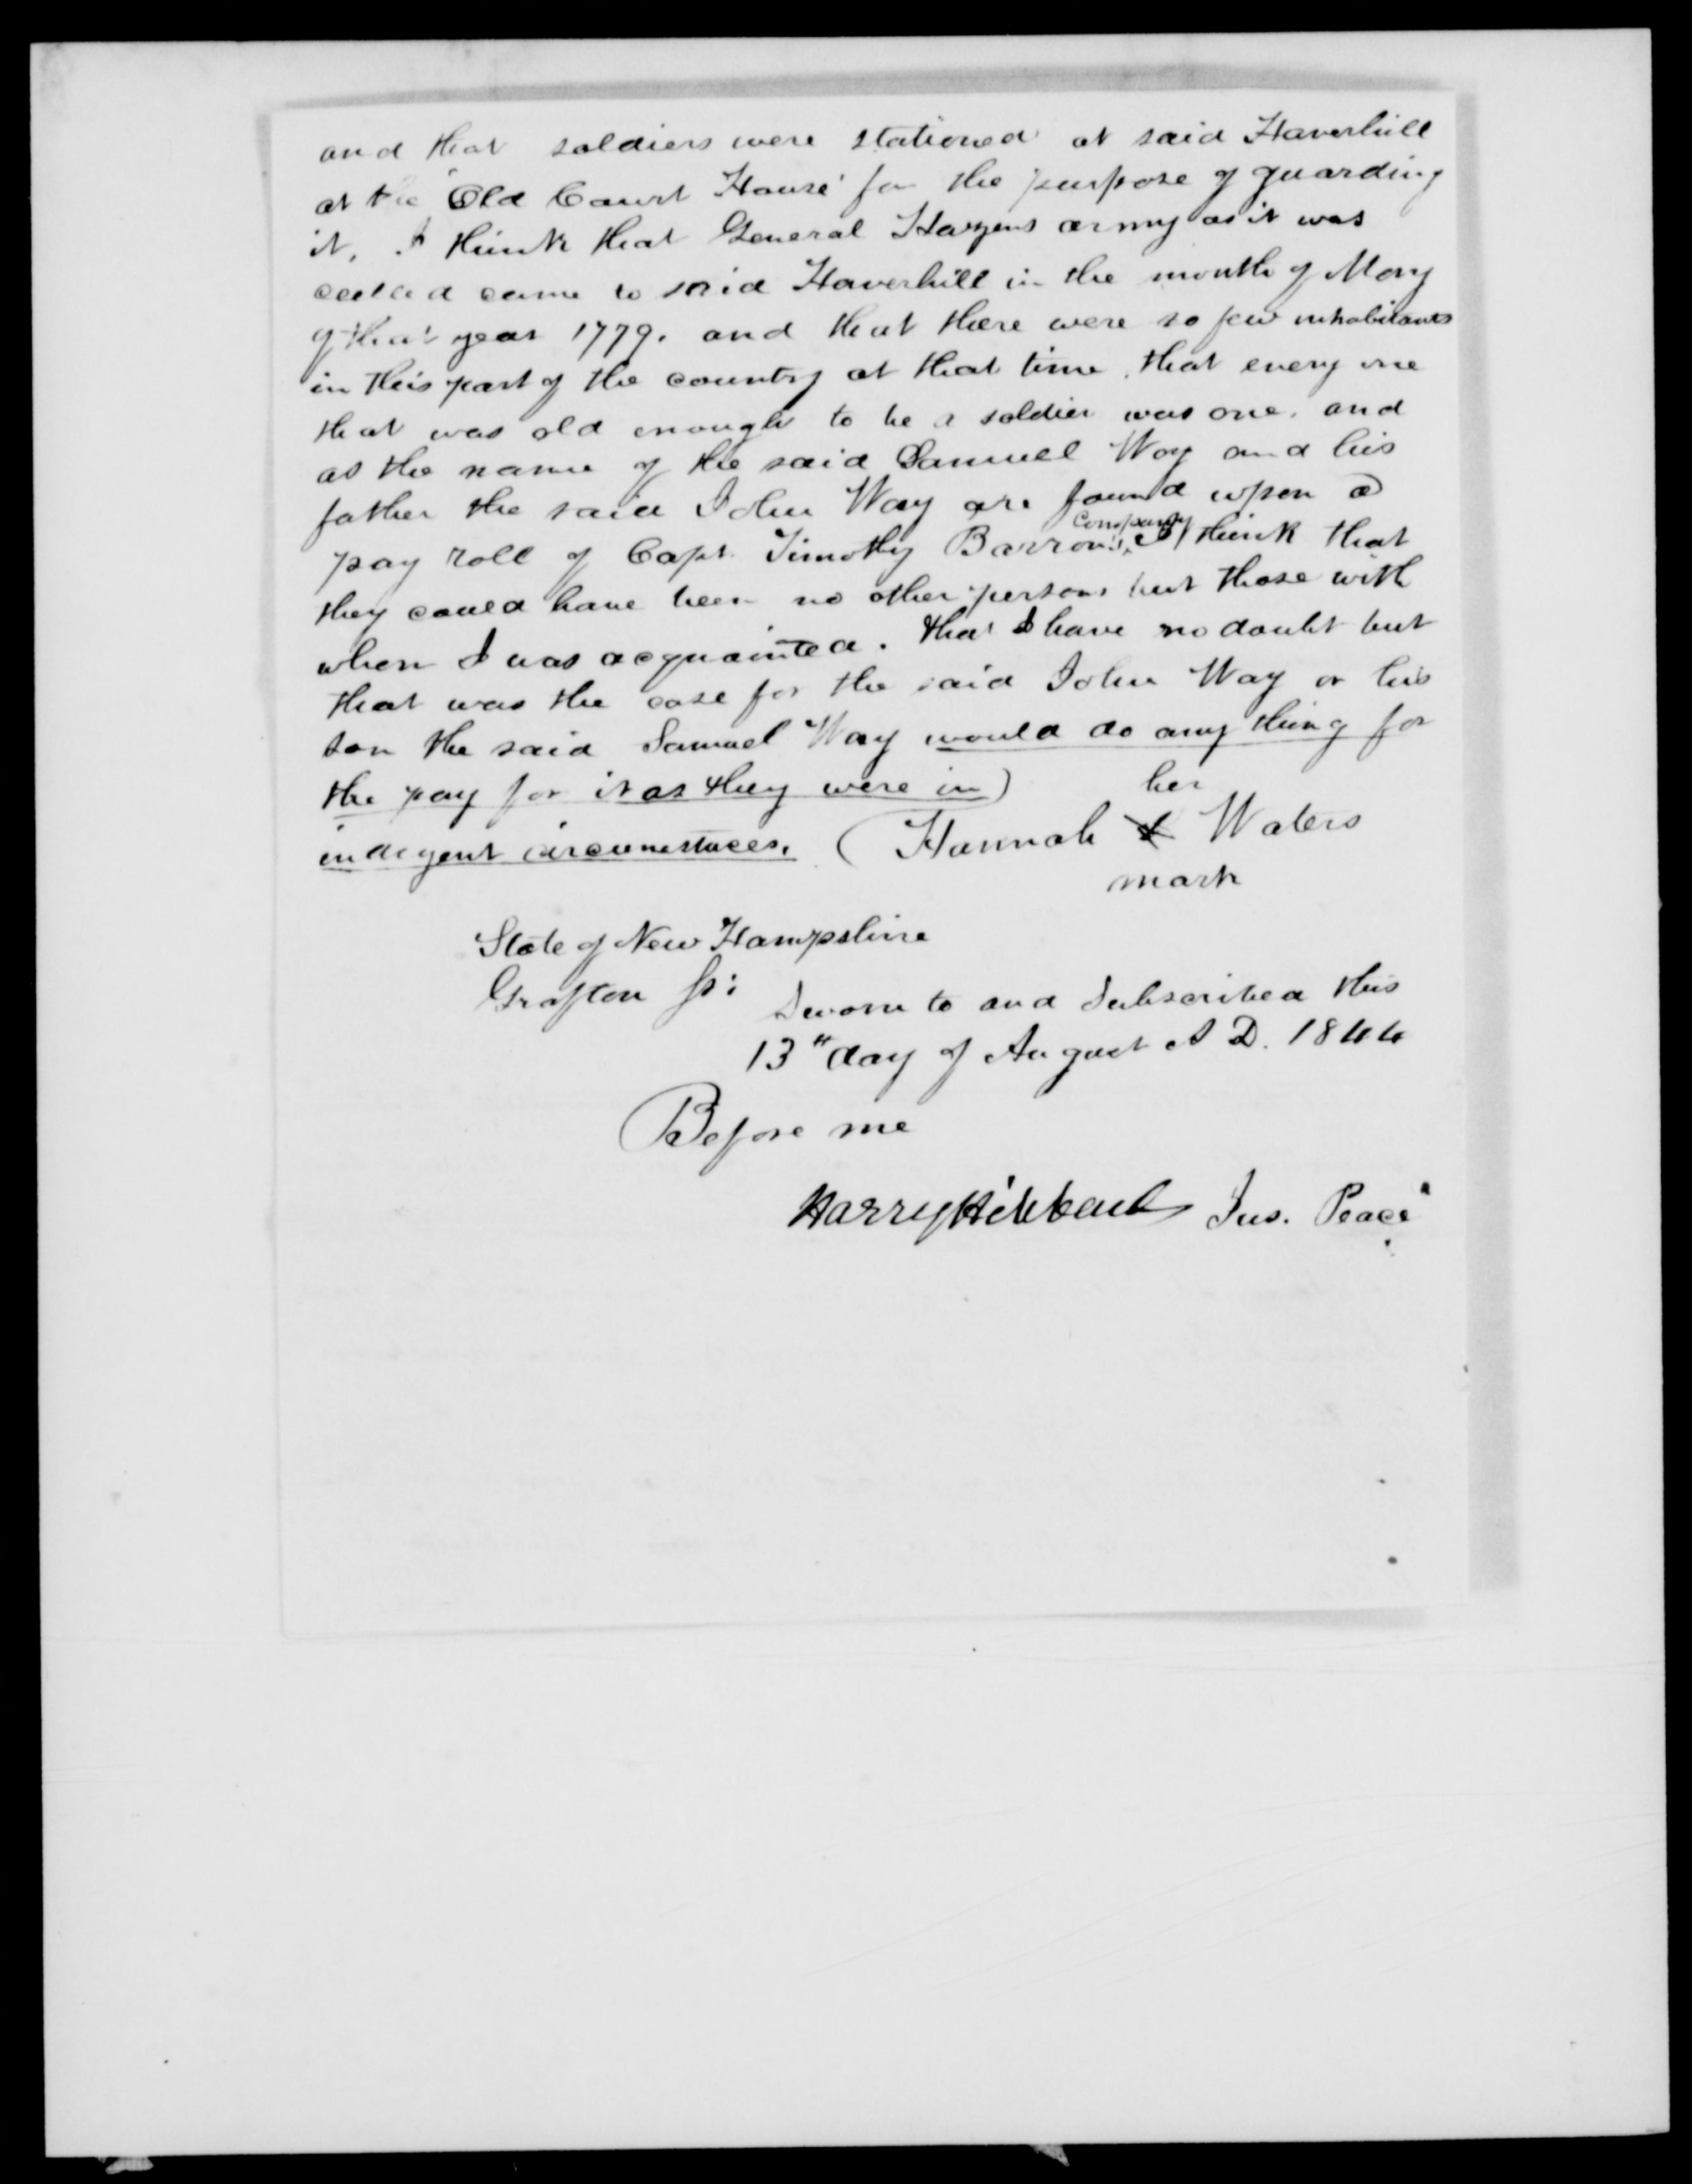and that soldiers were stationed at said Haverhill
at the Old Court House for the purpose of guarding it. I
think that General Hagens army as it was
all came to said Haverhill in the month of May
of that year 1779, and that there were so few inhabitants
in this part of the country at that time that every one
that was old enough to be a soldier was one, and
as the name of the said Samuel Way and his
father the said John Way are found upon a
pay roll of Capt. Timothy Barrow's company. 
I think that they could have been no other persons but those with
when I was acquainted.
that I have no doubt but
that was the case for the said John Way or his
son the said Samuel Way would do any thing for
the pay for it as they were in
in urgent circumstances. Hannah Waters
her mark
State of New Hampshire
Grafton Fs:
Sworn to and Subscribed this
13th day of August A.D. 1844
Before me
Harry Hibbard Jus. Peace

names: Samuel Way, Harry Hibbard, John Way, Hannah Waters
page: 6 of 78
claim: widow's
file: W. 25856, Samuel Way, N.H.